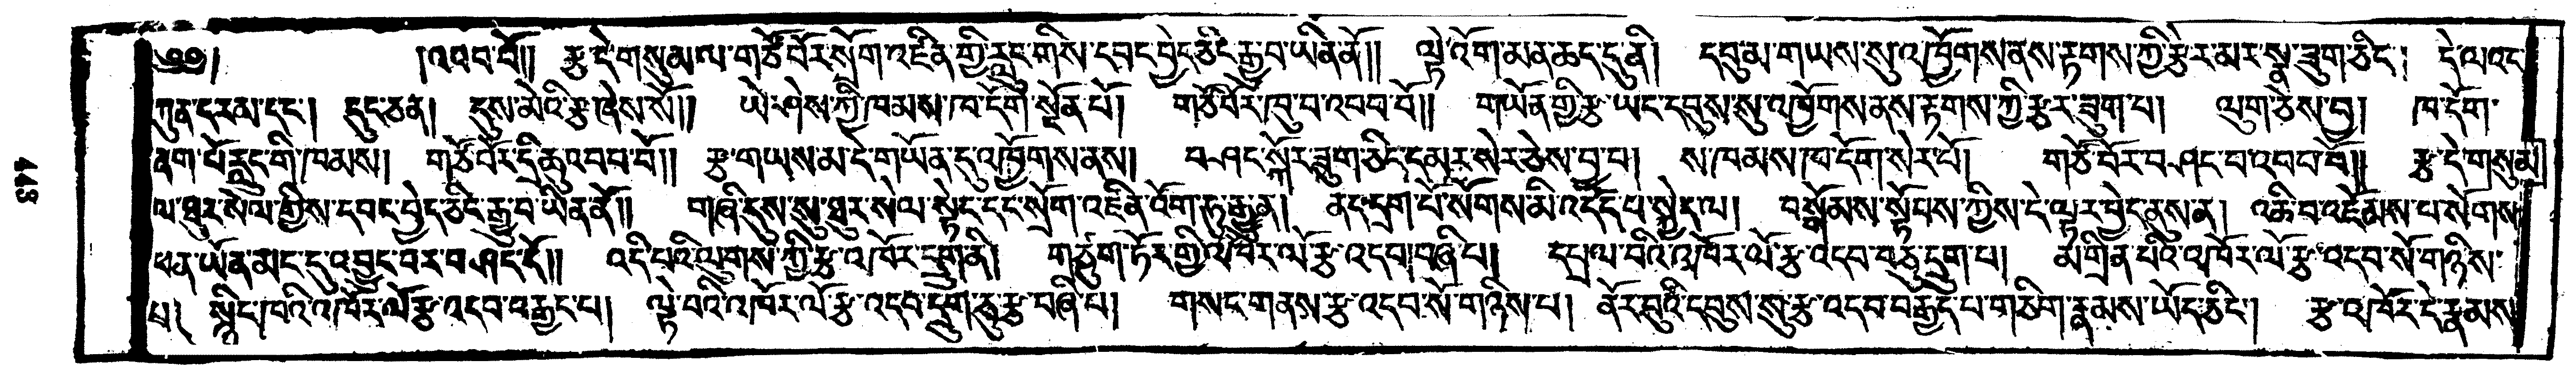༄༅། །འབབ་བོ།། རྩ་དེ་གསུམ་ལ་གཙོ་བོར་སྲོག་འཛིན་གྱི་རླུང་གིས་དབང་བྱེད་ཅིང་རྒྱུ་བ་ཡིན་ནོ།། ལྟེ་འོག་མན་ཆད་དུ་ནི། དབུ་མ་གཡས་སུ་འཁྱོགས་ནས་རྟགས་ཀྱི་རྩེར་མར་སྣ་ཟུག་ཅིང་། དེ་ལའང་
ཀུན་དར་མ་དང་། དུང་ཅན། དུས་མེའི་རྩ་ཞེས་སོ།། ཡེ་ཤེས་ཀྱི་ཁམས་ཁ་དོག་སྔོན་པོ། གཙོ་བོར་ཁུ་བ་འབབ་བོ།། གཡོན་གྱི་རྩ་ཡང་དབུས་སུ་འཁྱོགས་ནས་རྟགས་ཀྱི་རྩར་ཟུག་པ། ལུག་ཅེས་བྱ། ཁ་དོག་
ནག་པོ་རླུང་གི་ཁམས། གཙོ་བོར་དྲི་ཆུ་འབབ་བོ།། རྩ་གཡས་མ་དེ་གཡོན་དུ་འཁྱོགས་ནས། བཤང་སྐོར་ཟུག་ཅིང་དམར་སེར་ཅེས་བྱ་བ། ས་ཁམས་ཁ་དོག་སེར་པོ། གཙོ་བོར་བཤད་བ་འབབ་བོ།། རྩ་དེ་གསུམ་
ལ་ཐུར་སེལ་གྱིས་དབང་བྱེད་ཅིང་རྒྱུ་བ་ཡིན་ནོ།། གཞི་དུས་སུ་ཐུར་སེལ་སྟེང་དང་སྲོག་འཛིན་འོག་ཏུ་རྒྱུ་ན། ནད་དྲག་པོ་སོགས་མི་འདོད་པ་སྐྱེད་ལ། བསྒོམས་སྟོབས་ཀྱིས་དེ་ལྟར་བྱེད་ནུས་ན། འཆི་བ་འཇོམས་པ་སོགས་
ཕན་ཡོན་མང་དུ་འབྱུང་བར་བཤད་དོ།། འདི་པའི་ལུགས་ཀྱི་རྩ་འཁོར་དྲུག་ནི། གཙུག་ཏོར་གྱི་འཁོར་ལོ་རྩ་འདབ། བཞི་པ། དཔྲལ་བའི་འཁོར་ལོ་རྩ་འདབ་བཅུ་དྲུག་པ། མགྲིན་པའི་འཁོར་ལོ་རྩ་འདབ་སོ་གཉིས་
པ༑ སྙིང་ཁའི་འཁོར་ལོ་རྩ་འདབ་བརྒྱང་པ། ལྟེ་བའི་འཁོར་ལོ་རྩ་འདབ་དྲུག་ཅུ་རྩ་བཞི་པ། གསང་གནས་རྩ་འདབ་སོ་གཉིས་པ། ནོར་བུའི་དབུས་སུ་རྩ་འདབ་བརྒྱད་པ་གཅིག་རྣམས་ཡོད་ཅིང་། རྩ་འཁོར་དེ་རྣམས་